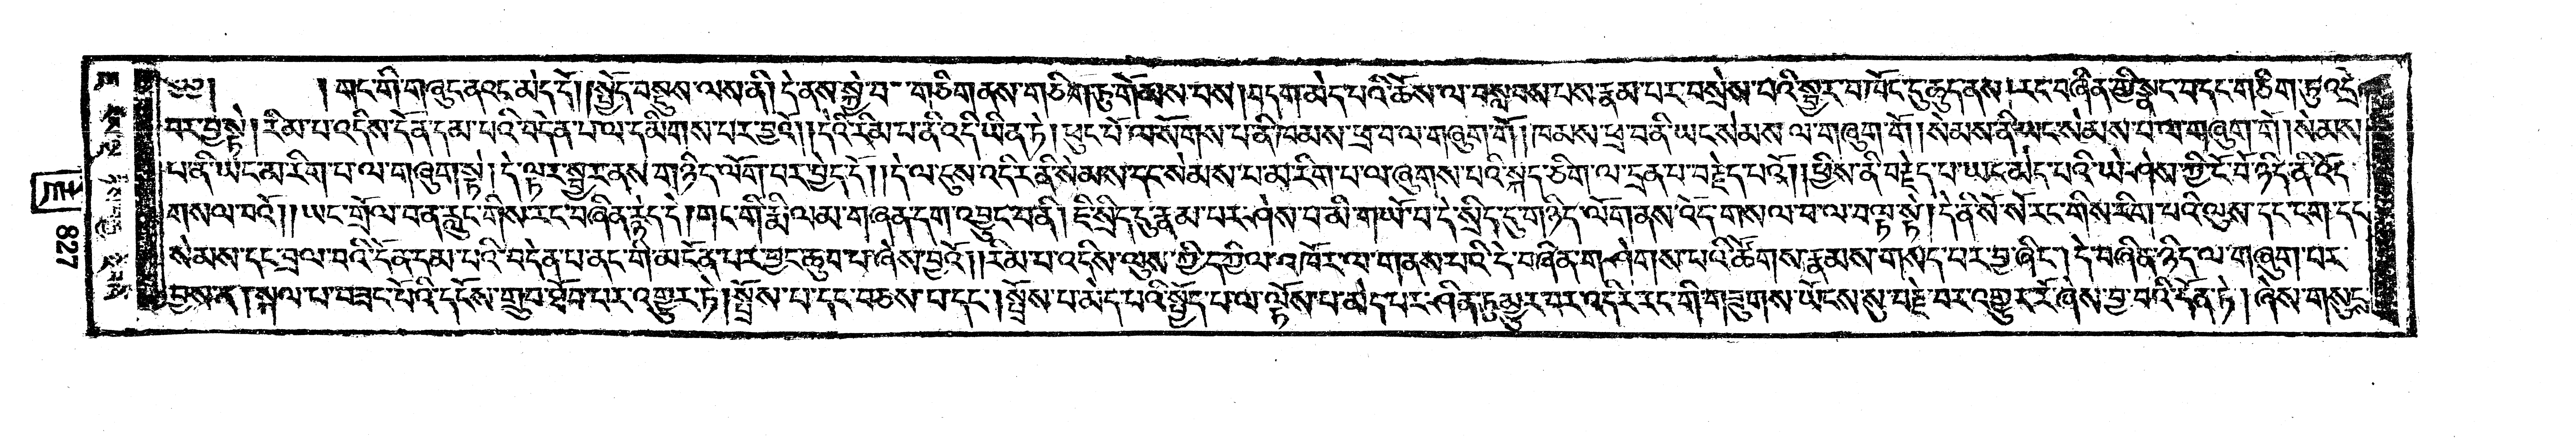༄༅། །གང་གི་གཞུང་ནའང་མེད་དོ། །སྤྱོད་བསྡུས་ལས་ནི། དེ་ནས་སྐྱེ་བ་གཅིག་ནས་གཅིག་ཏུ་གོམས་པས། བདག་མེད་པའི་ཆོས་ལ་བསླབས་པས་རྣམ་པར་བསྲེས་པའི་སྦྱར་བ་ཁོང་དུ་ཆུད་ནས། རང་བཞིན་གྱི་སྣང་བ་དང་གཅིག་ཏུ་འདྲེ་
བར་བྱ་སྟེ། རིམ་པ་འདིས་དོན་དམ་པའི་བདེན་པ་ལ་དམིགས་པར་བྱའོ། །དེའི་རིམ་པ་ནི་འདི་ཡིན་ཏེ། ཕུང་པོ་ལ་སོགས་པ་ནི་ཁམས་ཕྲ་བ་ལ་གཞུག་གོ །ཁམས་ཕྲ་བ་ནི་ཡང་སེམས་ལ་གཞུག་གོ །སེམས་ནི་ཡང་སེམས་པ་ལ་གཞུག་གོ །སེམས་
པ་ནི་ཡང་མ་རིག་པ་ལ་གཞུག་སྟེ། དེ་ལྟར་སྦྱར་ནས་གཉིད་ལོག་པར་བྱེད་དོ། །དེ་ལ་དུས་འདིར་ནི་སེམས་དང་སེམས་པ་མ་རིག་པ་ལ་ཞུགས་པའི་སྐད་ཅིག་ལ་དྲན་པ་བརྗེད་པའོ། །ཕྱིས་ནི་བརྗེད་པ་ཡང་མེད་པའི་ཡེ་ཤེས་ཀྱི་ངོ་བོ་ཉིད་ནི་འོད་
གསལ་བའོ། །ཡང་གྲོལ་བ་ན་རླུང་གིས་རང་བཞིན་རྙེད་དེ། གང་གི་རྨི་ལམ་གཞན་དག་འབྱུང་བ་ནི། ཇི་སྲིད་དུ་རྣམ་པར་ཤེས་པ་མི་གཡོ་བ་དེ་སྲིད་དུ་གཉིད་ལོག་ནས་འོད་གསལ་བ་ལ་བལྟ་སྟེ། དེ་ནི་སོ་སོ་རང་གིས་རིག་པའི་ལུས་དང་ངག་དང་
སེམས་དང་བྲལ་བའི་དོན་དམ་པའི་བདེན་པ་ནང་གི་མངོན་པར་བྱང་ཆུབ་པ་ཞེས་བྱའོ། །རིམ་པ་འདིས་ལུས་ཀྱི་དཀྱིལ་འཁོར་ལ་གནས་པའི་དེ་བཞིན་གཤེགས་པའི་ཚོགས་རྣམས་གསད་པར་བྱ་ཞིང་། དེ་བཞིན་ཉིད་ལ་གཞུག་པར་
བྱས་ན། སྐལ་པ་བཟང་པོའི་དངོས་གྲུབ་ཐོབ་པར་འགྱུར་ཏེ། སྤྲོས་པ་དང་བཅས་པ་དང་། སྤྲོས་པ་མེད་པའི་སྤྱོད་པ་ལ་ལྟོས་པ་མེད་པར་ཤིན་ཏུ་མྱུར་བར་འདིར་རང་གི་གཟུགས་ཡོངས་སུ་བརྗེ་བར་འགྱུར་རོ་ཞེས་བྱ་བའི་དོན་ཏེ། ཞེས་གསུངས་